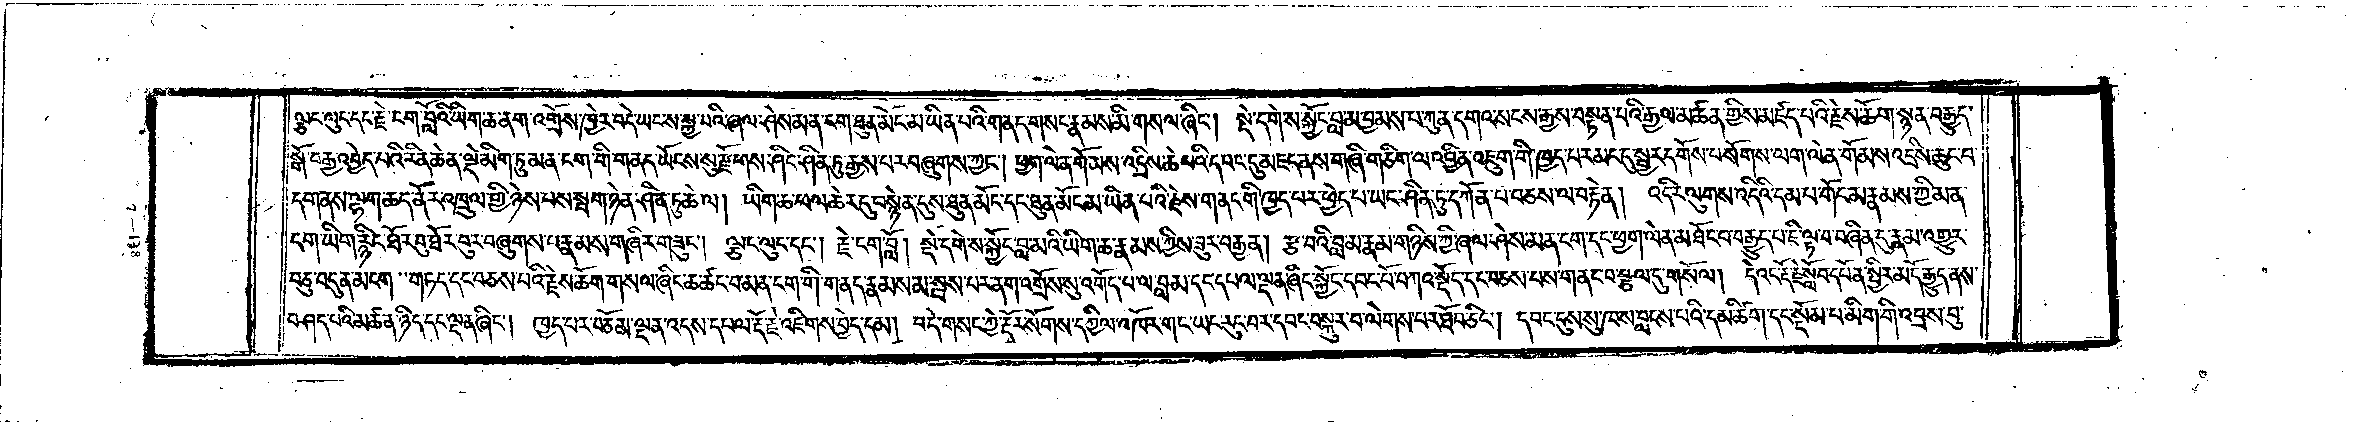ལྕང་ལུང་དང་རྗེ་ངག་བློའི་ཡིག་ཆ་ནག་འགྲོས་ཁྱེར་བདེ་ཡང་ས་སྐྱ་པའི་ཞལ་ཤེས་མན་ངག་ཐུན་མོང་མ་ཡིན་པའི་གནད་གསང་རྣམས་མི་གསལ་ཞིང་། སྡེ་དགེ་ས་སྐྱོང་བླ་མ་བྱམས་པ་ཀུན་དགའ་སངས་རྒྱས་བསྟན་པའི་རྒྱལ་མཚན་གྱིས་མཛད་པའི་རྗེས་ཆོག་སྙན་བརྒྱུད་
སྒོ་བརྒྱ་འབྱེད་པའི་རིན་ཆེན་ལྡེ་མིག་ཏུ་མན་ངག་གི་གནད་ཡོངས་སུ་རྫོགས་ཤིང་ཤིན་ཏུ་རྒྱས་པར་བཞུགས་ཀྱང་། ཕྱག་ལེན་གོམས་འདྲིས་ཆེ་པའི་དབང་དུ་མཛད་ནས་གཞི་གཅིག་ལ་འབྱིན་འཇུག་གི་ཁྱད་པར་མང་དུ་སྦྱར་དགོས་པ་སོགས་ལག་ལེན་གོམས་འདྲིས་ཆུང་བ་
དག་ནས་ལྷག་ཆད་ནོར་འཁྲུལ་གྱི་ཉེས་པས་སྦག་ཉེན་ཤིན་ཏུ་ཆེ་ལ། ཡིག་ཆ་ཕལ་ཆེར་དུ་བསྙེན་དུས་ཐུན་མོང་དང་ཐུན་མོང་མ་ཡིན་པའི་རྗེས་གནང་གི་ཁྱད་པར་ཕྱེད་པ་ཡང་ཤིན་ཏུ་དཀོན་པ་བཅས་ལ་བརྟོན། འདིར་ལུགས་འདིའི་དམ་པ་གོང་མ་རྣམས་ཀྱི་མན་
ངག་ཡིག་རྙིང་ཐོར་བུ་ཐོར་བུར་བཞུགས་པ་རྣམས་གཞིར་གཟུང་། ལྕང་ལུང་དང་། རྗེ་ངག་བློ། སྡེ་དག་ས་སྐྱོང་བླ་མའི་ཡིག་ཆ་རྣམས་ཀྱིས་ཟུར་བརྒྱན། རྩ་བའི་བླ་མ་རྣམ་གཉིས་ཀྱི་ཞལ་ཤེས་མན་ངག་དང་ཕྱག་ལེན་མཐོང་བ་བརྒྱུད་པ་ཇི་ལྟ་བ་བཞིན་དུ་རྣམ་འགྱུར་
བཅུ་བདུན་མངག་གཏད་དང་བཅས་པའི་རྗེས་ཆོག་གསལ་ཞིང་ཆ་ཚང་པ་མན་ངག་གི་གནད་རྣམས་མ་སྦས་པར་ནག་འགྲོས་སུ་འགོད་པ་ལ་བླ་མ་དང་དཔལ་ལྡན་ཞིང་སྐྱོང་དབང་པོ་བཀའ་སྡོད་དང་བཅས་པས་གནང་བ་སྩལ་དུ་གསོལ། དེའང་རྡོ་རྗེ་སློབ་དཔོན་སྤྱིར་མདོ་རྒྱུད་ནས་
བཤད་པའི་མཚན་ཉིད་དང་ལྡན་ཞིང་། ཁྱད་པར་བཅོམ་ལྡན་འདས་དཔལ་རྡོ་རྗེ་འཇིགས་བྱེད་དམ། བདེ་གསང་ཀྱེ་རྡོར་སོགས་དཀྱིལ་འཁོར་གང་ཡང་རུང་བར་དབང་བསྐུར་བ་ལེགས་པར་ཐོབ་ཅིང་། དབང་དུས་སུ་ཁས་བླངས་པའི་དམ་ཚིག་དང་སྡོམ་པ་མིག་གི་འབྲས་བུ་